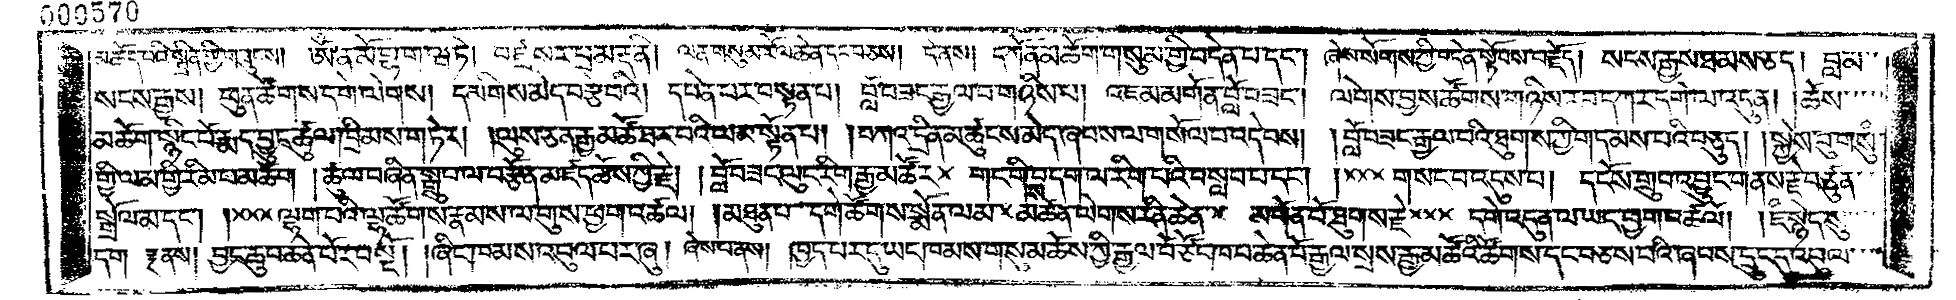མཆོད་པའི་སྤྲིན་གྱི་གཟུངས། ཨོཾ་ན་མོ་བྷ་ག་ཝ་ཏེ། བཛྲ་ས་ར་པྲ་མ་རྡ་ནི། ལན་གསུམ་རོལ་ཆེན་དང་བཅས། དེ་ནས། དཀོན་མཆོག་གསུམ་གྱི་བདེན་པ་དང་། ཞེས་སོགས་ཀྱི་བདེན་སྟོབས་བརྗོད།  སངས་རྒྱས་ཐམས་ཅད། བླ་མ་
སངས་རྒྱས། ཕུན་ཚོགས་དགེ་ལེགས། དམིགས་མེད་བརྩེ་བའི། དབེན་པར་བསྟན་པ། བློ་བཟང་རྒྱལ་བ་གཉིས་པ། འཇམ་མགོན་བློ་བཟང་། ལེགས་བྱས་ཚོགས་གཉིས་རབ་དཀར་དགེ་ལ་འདུན། །ཆོས་
མཆོག་སྙིང་པོ་རྨད་བྱུང་ཚུལ་ཁྲིམས་གཏེར། །ལུས་ཅན་རྒྱ་མཚོ་ཐར་བའི་ལམ་སྟོན་པ། །བཀའ་དྲིན་མཚུངས་མེད་ཞབས་ལ་གསོལ་བ་འདེབས། །བློ་བཟང་རྒྱལ་བའི་ཐུགས་ཀྱི་གདམས་པའི་བཅུད། །སྐྱེས་བུ་གསུཾ་
གྱི་ལམ་གྱི་རིམ་པ་མཆོག །ཚུལ་བཞིན་སྒྲུབ་ལ་བརྩོན་མཛད་ཆོས་ཀྱི་རྗེ། །བློ་བཟང་ལུང་རིག་རྒྱ་མཚོར་྾་གང་གིས་བདག་ལ་རིག་པའི་བསླབ་པ་དང་། །྾་྾་྾་གསང་བ་འདུས་པ། དངོས་གྲུབ་འབྱུང་གནས་རྗེ་བཙུན་
སྒྲོལ་མ་དང་། །྾་྾་྾་ལྷག་པའི་ལྷ་ཚོགས་རྣམས་ལ་གུས་ཕྱག་འཚལ། །མཐུན་པའི་དགེ་ཚོགས་སྨོན་ལམ་྾་མཚོན་ལེགས་རིན་ཆེན་྾་མགོན་པོ་ཐུགས་རྗེ་྾་྾་྾་དགེ་འདུན་ལ་ཡང་ཕྱག་འཚལ་ལོ། །ཇི་སྙེད་སུ་
དག །ནས། བྱང་ཆུབ་ཆེན་པོར་བསྔོ། །ཞིང་ཁམས་འབུལ་བར་ཞུ། ཞེས་པ་ནས།  ཁྱད་པར་དུ་ཡང་ཁམས་གསུམ་ཆོས་ཀྱི་རྒྱལ་པོ་ཙོང་ཁ་པ་ཆེན་པོ་རྒྱལ་སྲས་རྒྱ་མཚོའི་ཚོགས་དང་བཅས་པའི་ཞབས་དྲུང་དུ་འབུལ་